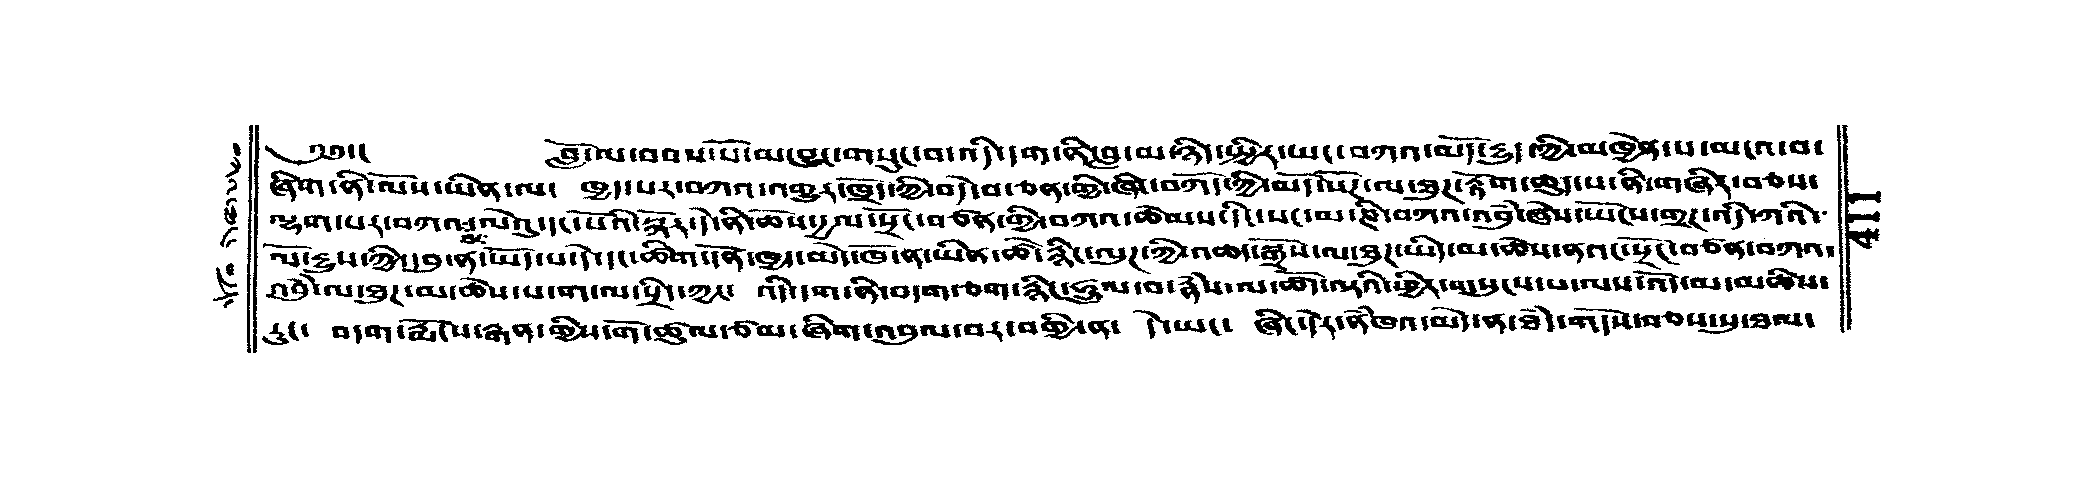བློ་ལ་བབས་པོ་མ་བྱུང་གསུང་བ་འདི་དག་ནི་བླ་མ་ཉིད་སྤྱིར་ཡང་བཀའ་མདོ་རྒྱུད་ཀྱི་མཁྱེན་པ་མངའ་བ་
ཞིག་ནི་ལོས་ཡིན་ལ། ཁྱད་པར་བཀའ་འགྱུར་ཁྲོད་ཀྱི་བདེ་བ་ཅན་གྱི་ཞིང་བཀོད་ཀྱི་མདོ་སོགས་ལ་ཐུགས་རྟོག་ཆུད་པ་ནི་གཞིར་བཅས་
ལྷག་པར་བཀའ་ཐང་ལེའུ་དང་པོའི་སྐོར་དེ་ནི་ཆོས་རྒྱལ་སྲོང་བཙན་གྱི་བཀའ་ཆེམས་དིང་སང་མ་ཎི་བཀའ་འབུམ་ཞེས་ཡོངས་གྲགས་འདི་ཀའི་
ལོ་རྒྱུས་ཀྱི་དབུ་ན་ཡོད་པ་དེ་དང་ཚིག་དོན་ཁྱད་མེད་ཁོ་ན་ཡིན་ཚེ་རྙིང་ལུགས་ཀྱི་འཆད་སྒྲོས་ལ་ཐུགས་ཡིད་མ་ཆེས་ནའང་སྲོང་བཙན་བཀའ་
འབུམ་ལ་ཐུགས་མ་ཆེས་པ་ག་ལ་སྲིད་ཀྱང་། འདི་དག་ནི་བདག་ཅག་རྙིང་ཧྲུལ་བ་རྣམས་ལ་ཚོད་ལྟའི་ཕྱིར་གསུངས་པ་ལས་འོས་མ་མཆིས་
རུང་། བདག་རྨོངས་རྒན་གྱིས་གོ་ཚུལ་ཙམ་ཞིག་འབུལ་བར་བགྱི་ན། དེ་ཡང་། ཞིང་དེར་ནམ་མཁའ་མེད་ན་ཐམས་ཅད་གདོས་བཅས་སུ་ཐལ་